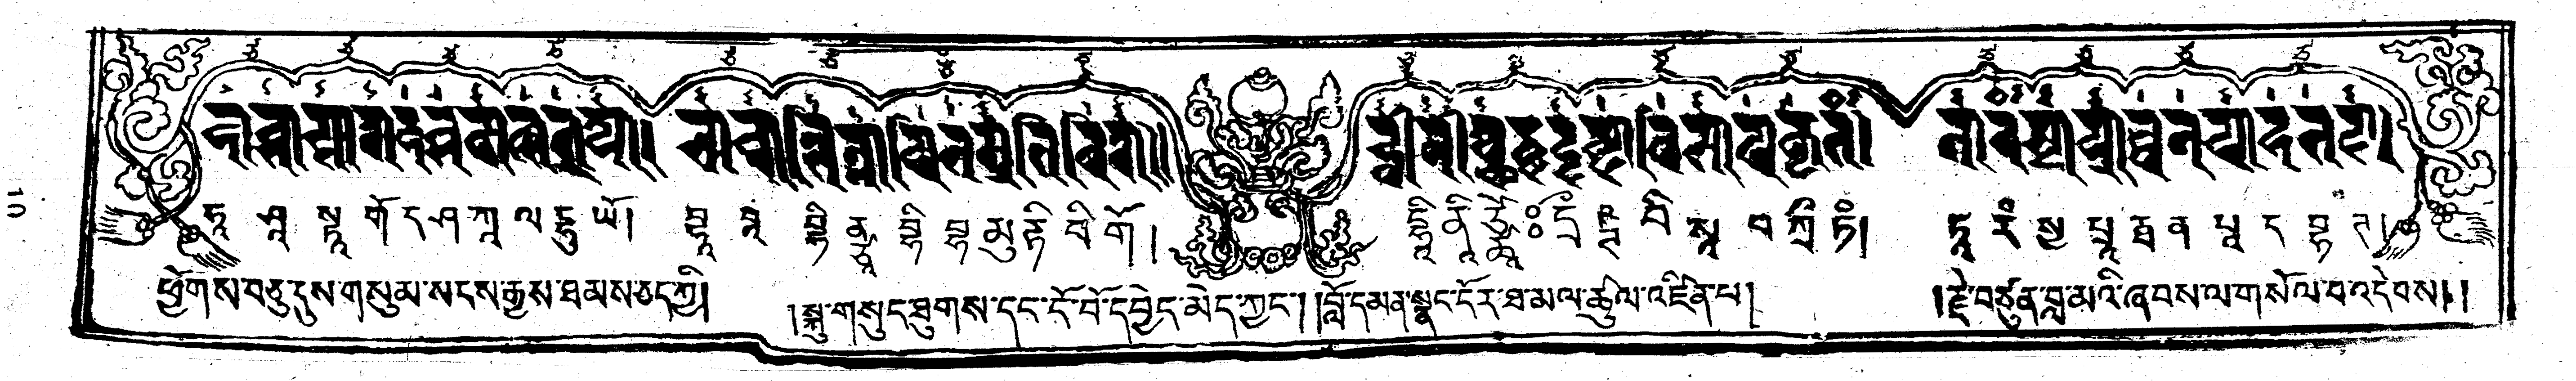ཕྱོགས་བཅུ་དུས་གསུམ་སངས་རྒྱས་ཐམས་ཅད་ཀྱི། །སྐུ་གསུང་ཐུགས་དང་ངོ་བོ་དབྱེད་མེད་ཀྱང་། །བློ་དམན་སྣང་ངོར་ཐ་མ་ལ་ཚུལ་འཛིན་པ། །རྗེ་བཙུན་བླ་མའི་ཞབས་ལ་གསོལ་བ་འདེབས། །